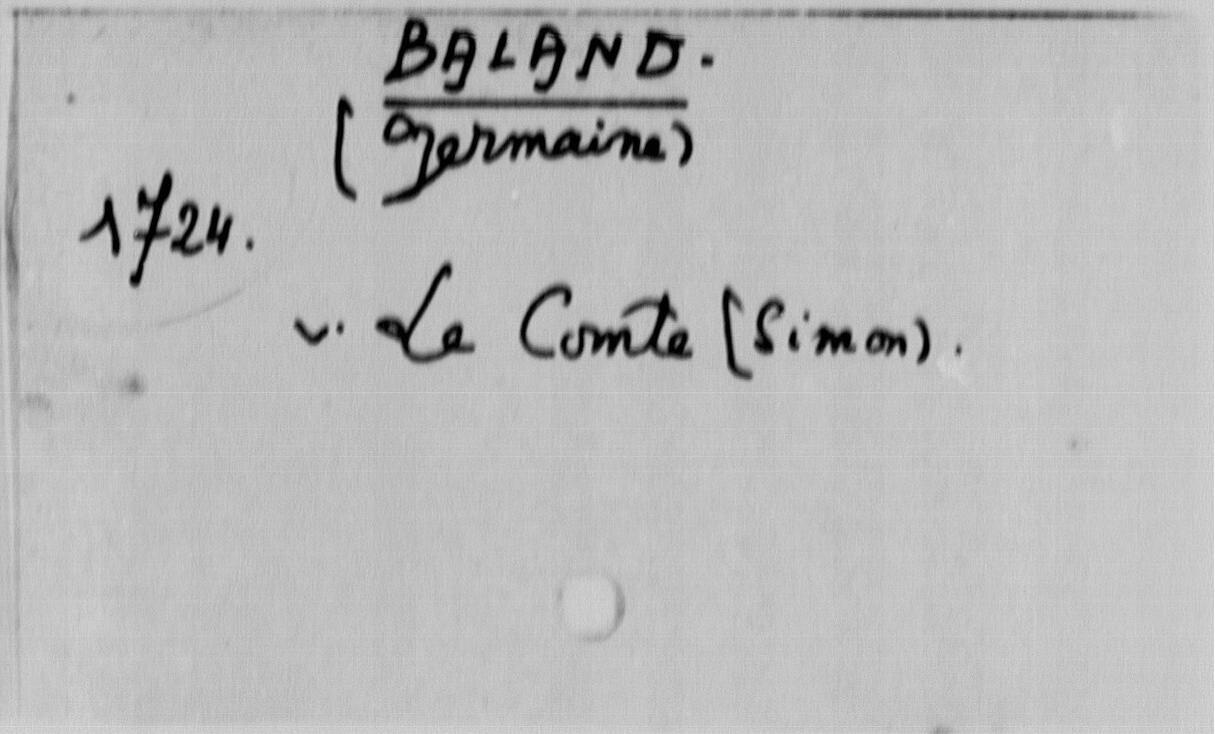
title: BALAND (Germaine)
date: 1724
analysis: Voir LECOMTE (Simon)
